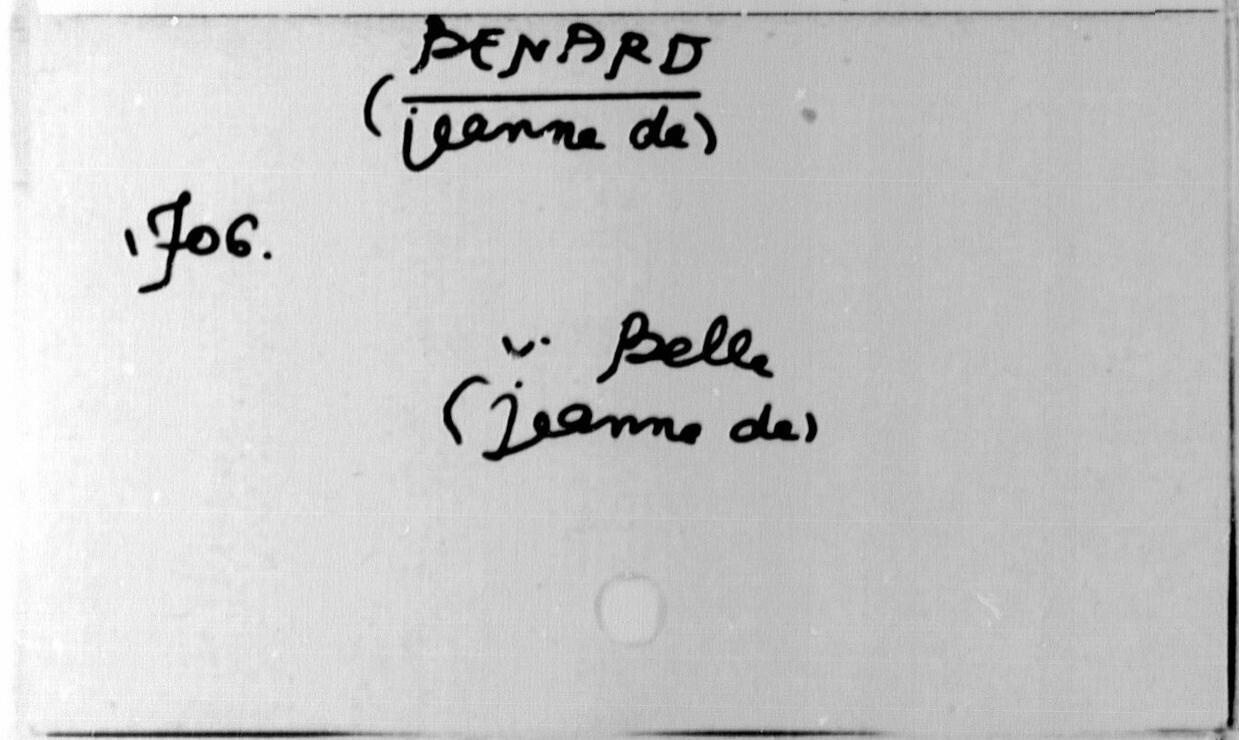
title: BENARD (Jeanne de)
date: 1706
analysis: Voir BELLE (Jeanne de)
